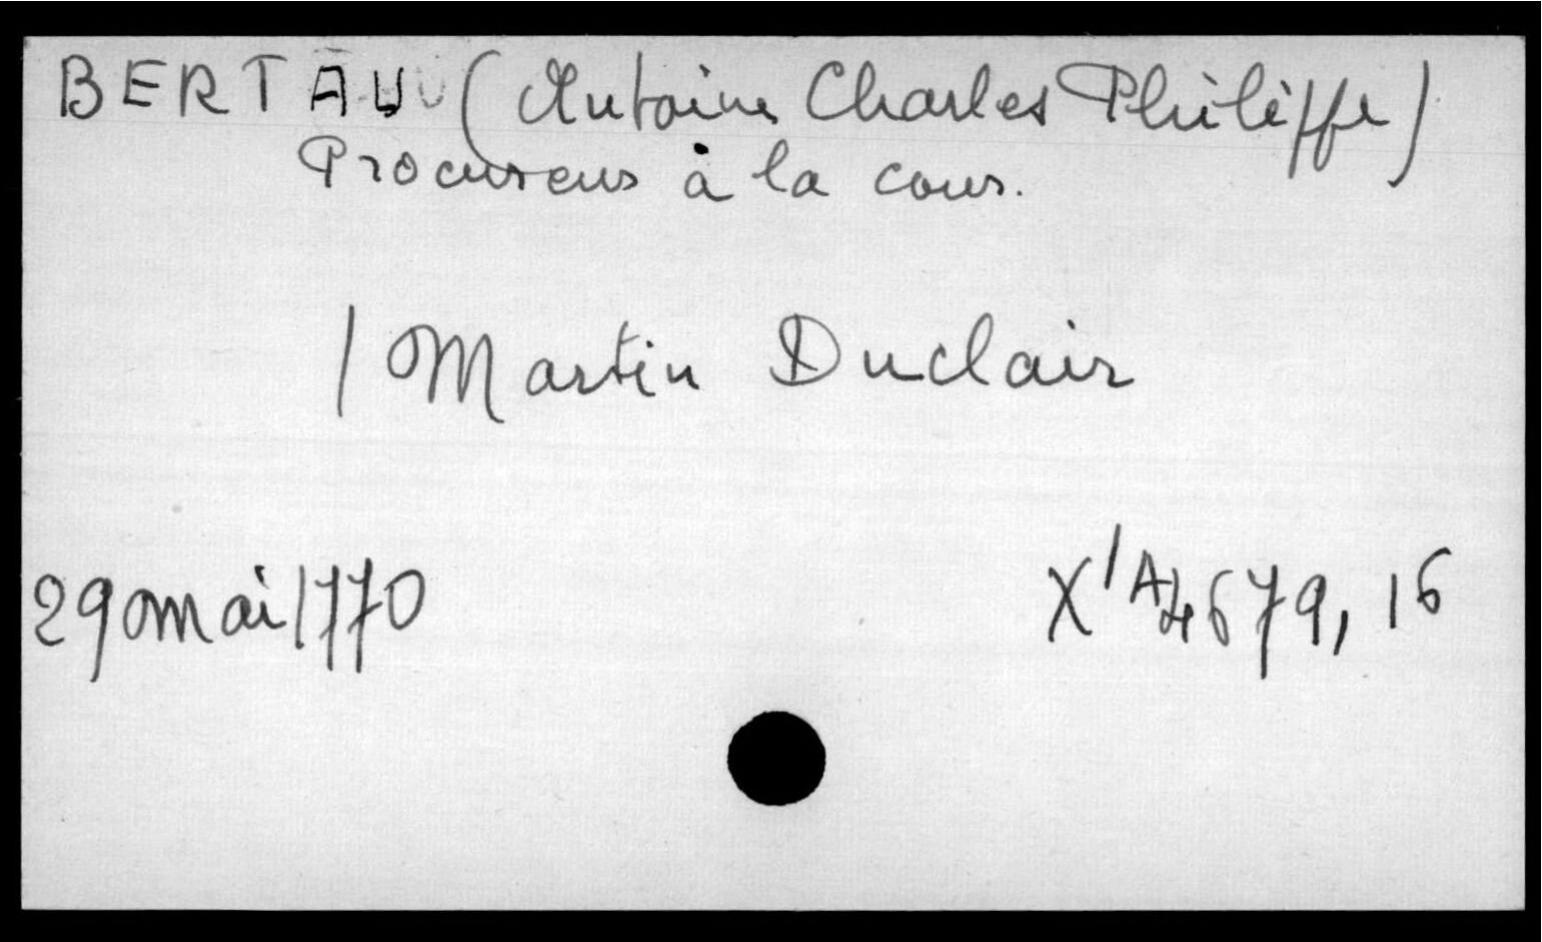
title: BERTAU (Antoine Charles Philippe) Procureur à la cour.
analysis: Contre Martin Duclair
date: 29 mai 1770
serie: X1A
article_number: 4679
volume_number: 16
